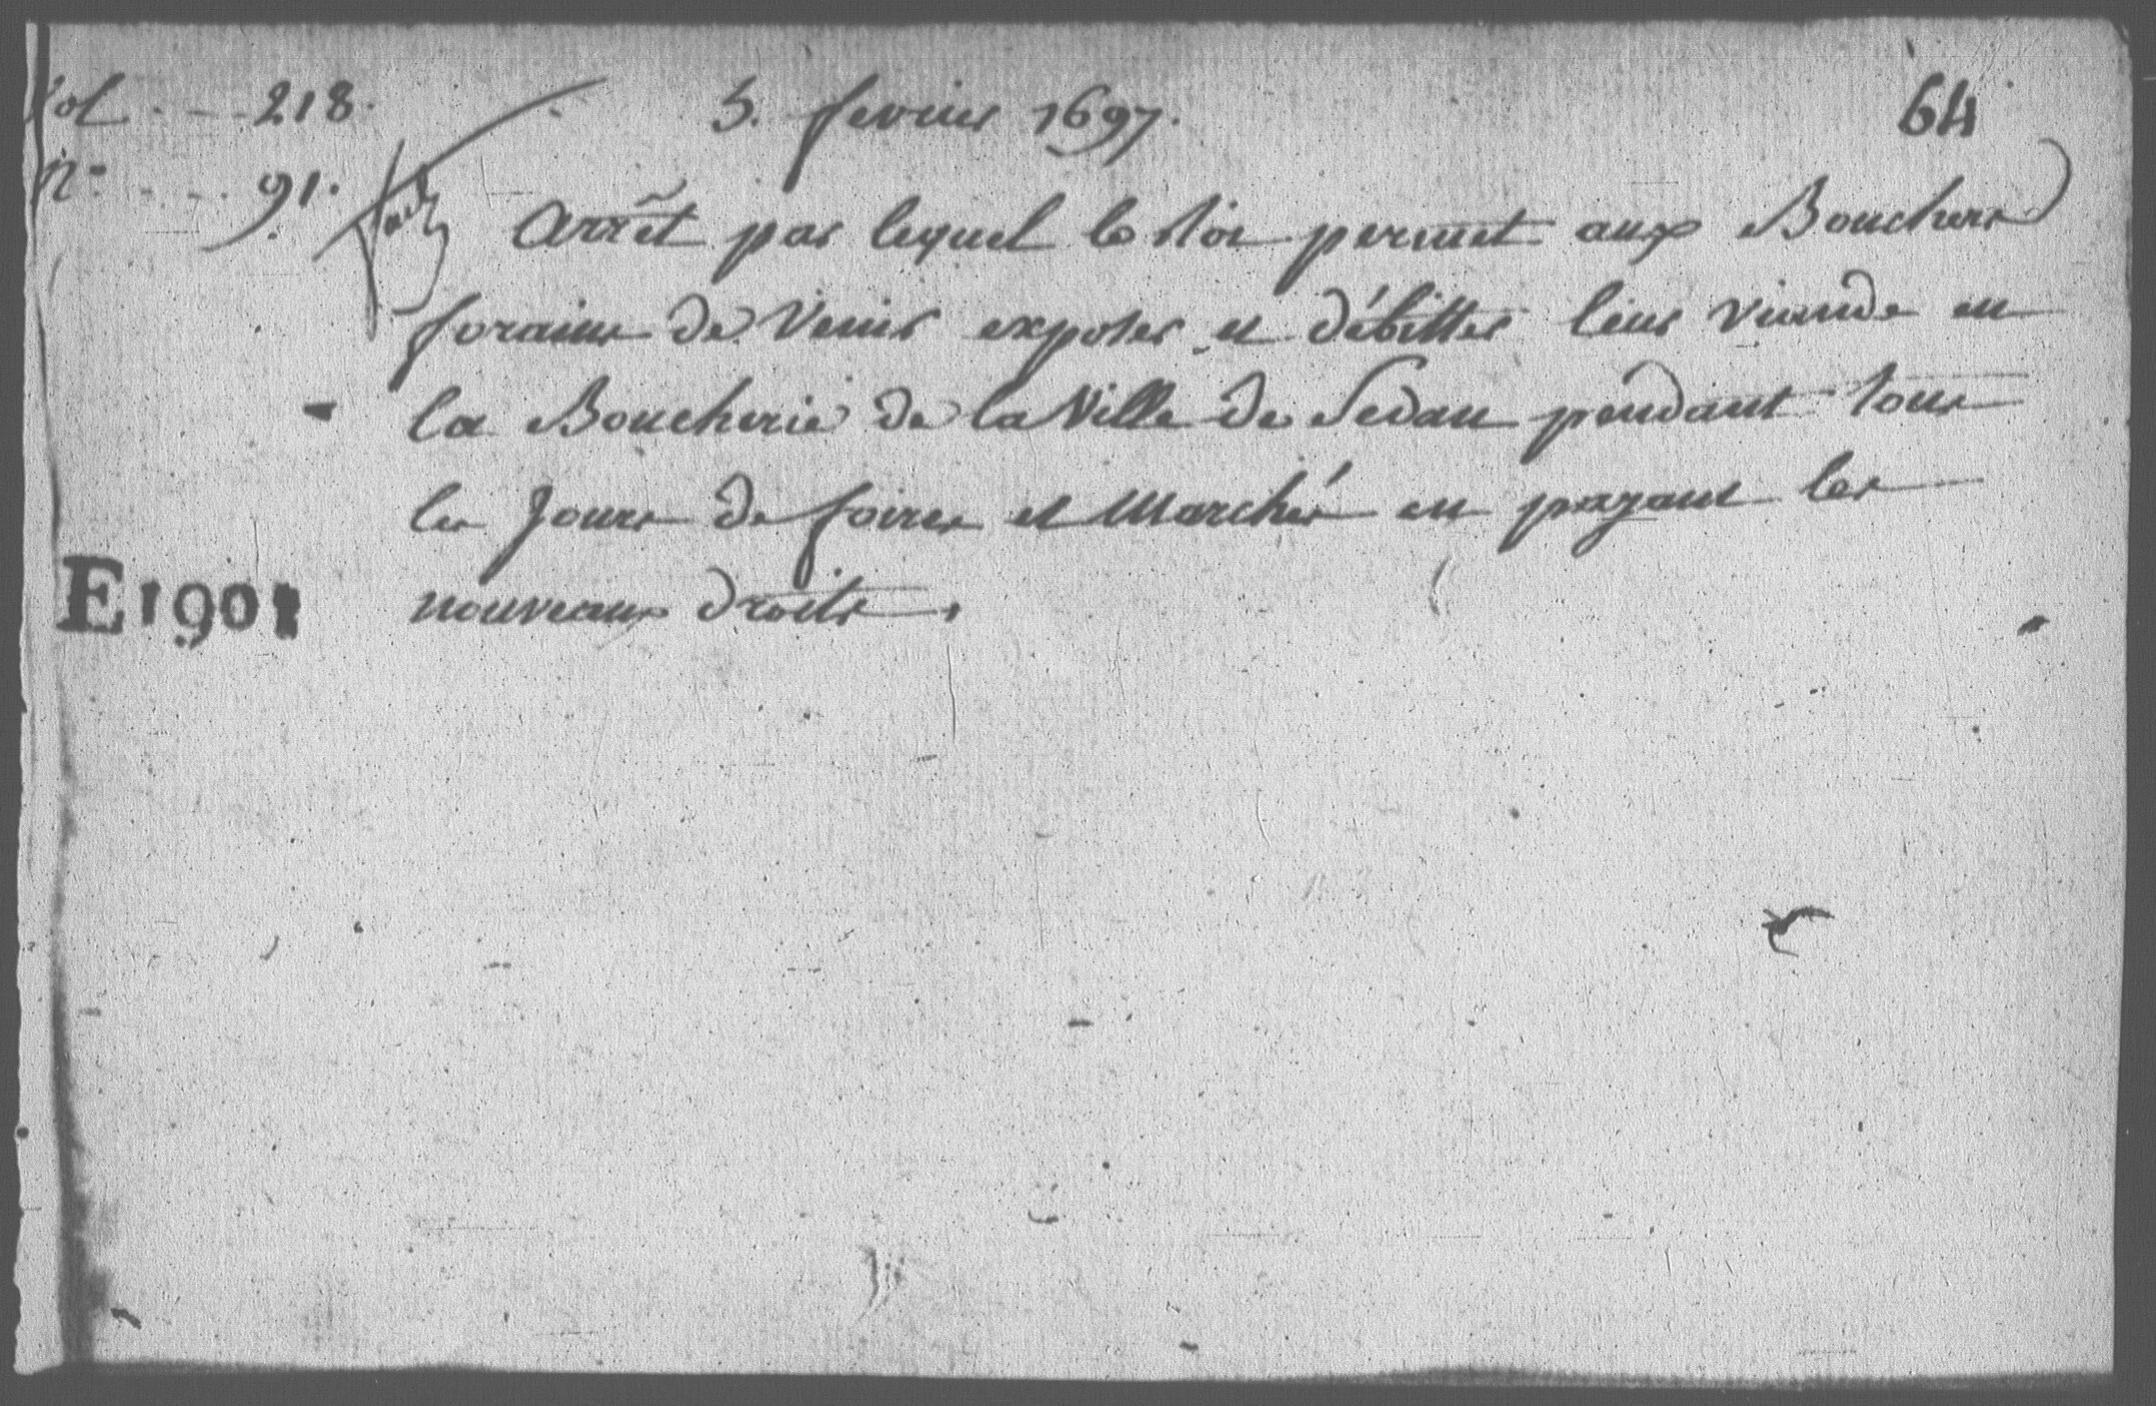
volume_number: n°91
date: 5 février 1697
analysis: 64
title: Arrêt par lequel le Roi permet aux Bouchers forains de Venir exposer et débitter leur viande en la Boucherie de la Ville de Sedan pendant tous les jours de foires et Marchés en payant les nouveaux droits.
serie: E
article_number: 1901
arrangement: vol. 218
